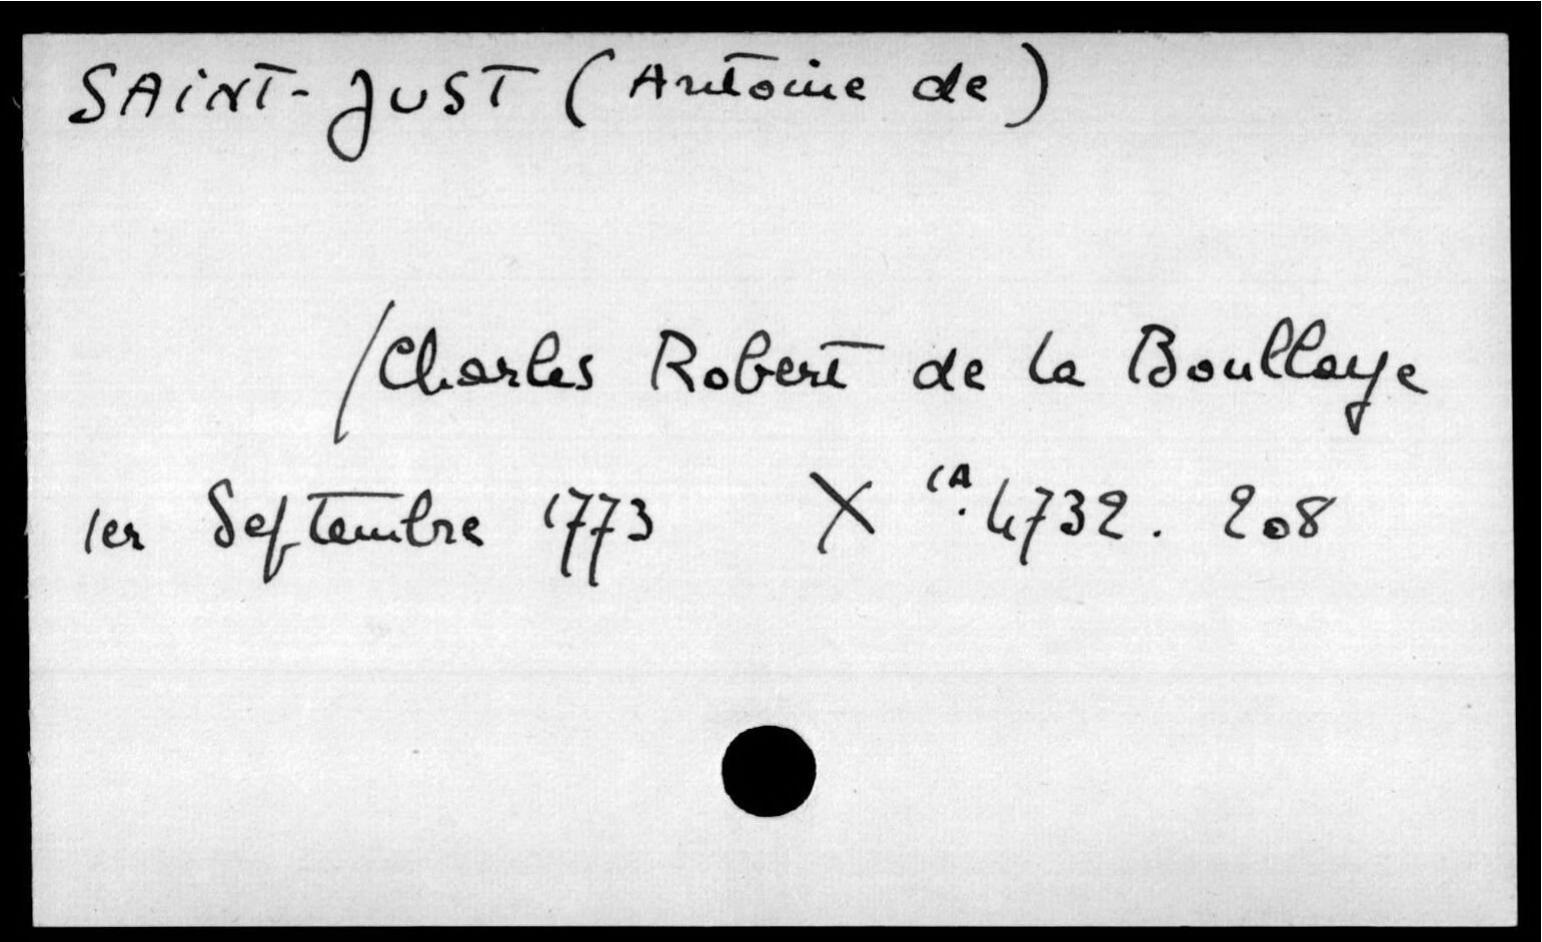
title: SAINT-JUST (Antoine de)
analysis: Contre Charles Robert de la Boullaye
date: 1 septembre 1773
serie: X1A
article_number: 4732
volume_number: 208
